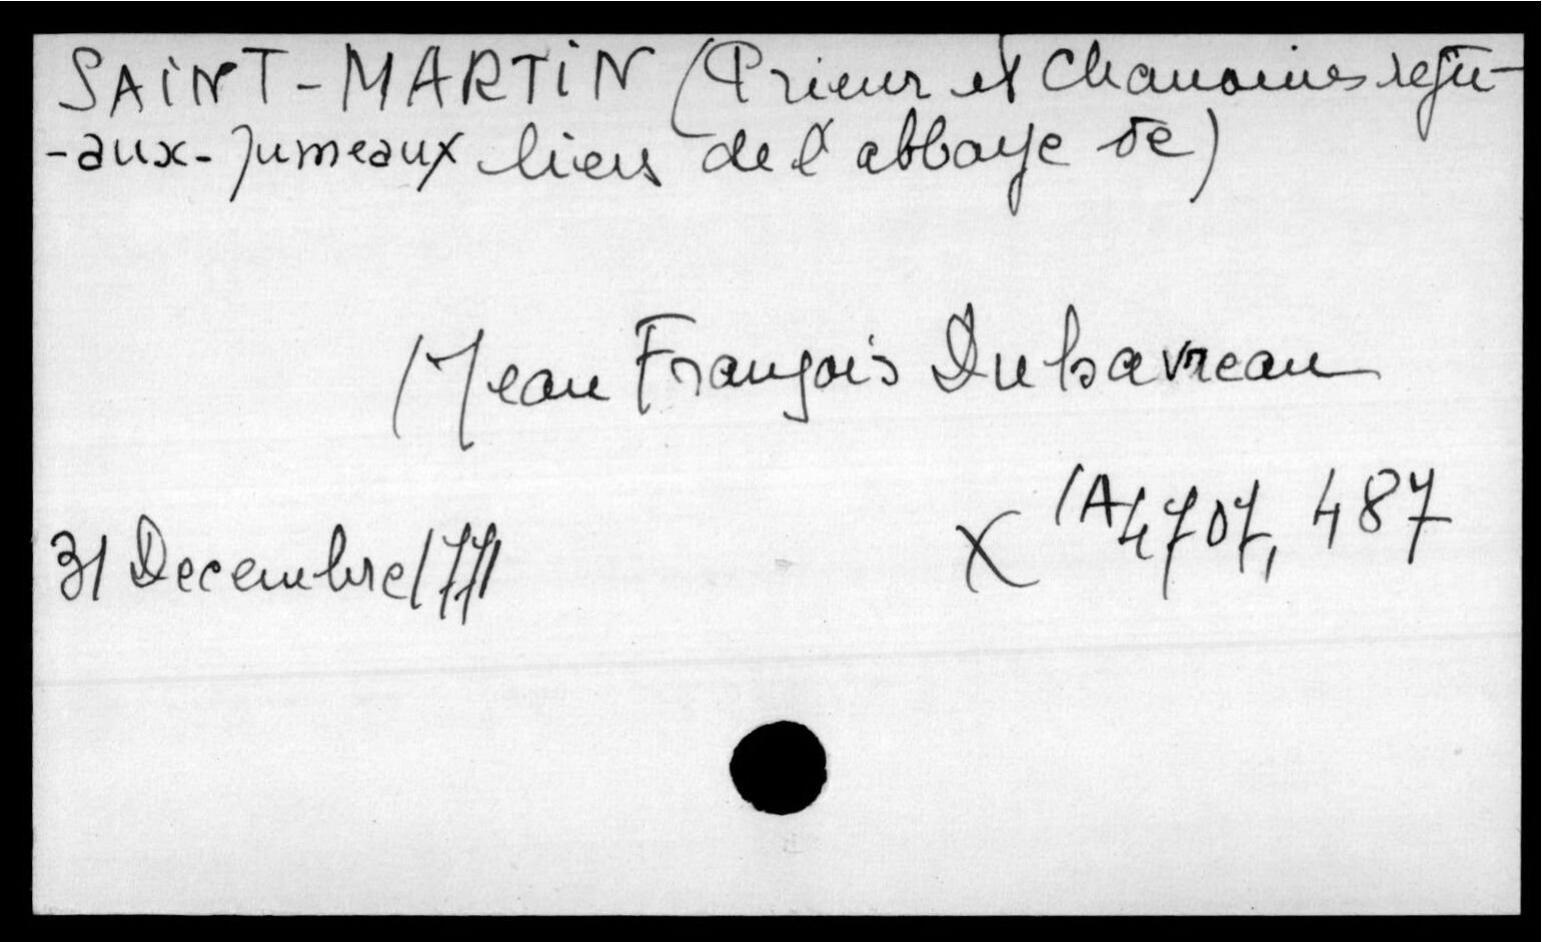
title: SAINT-MARTIN (Prieur et chanoines réguliers de l'abbaye de) - aux- Jumeaux
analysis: Contre Jean François Dubavreau
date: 31 décembre 1771
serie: X1A
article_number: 4707
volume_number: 487
